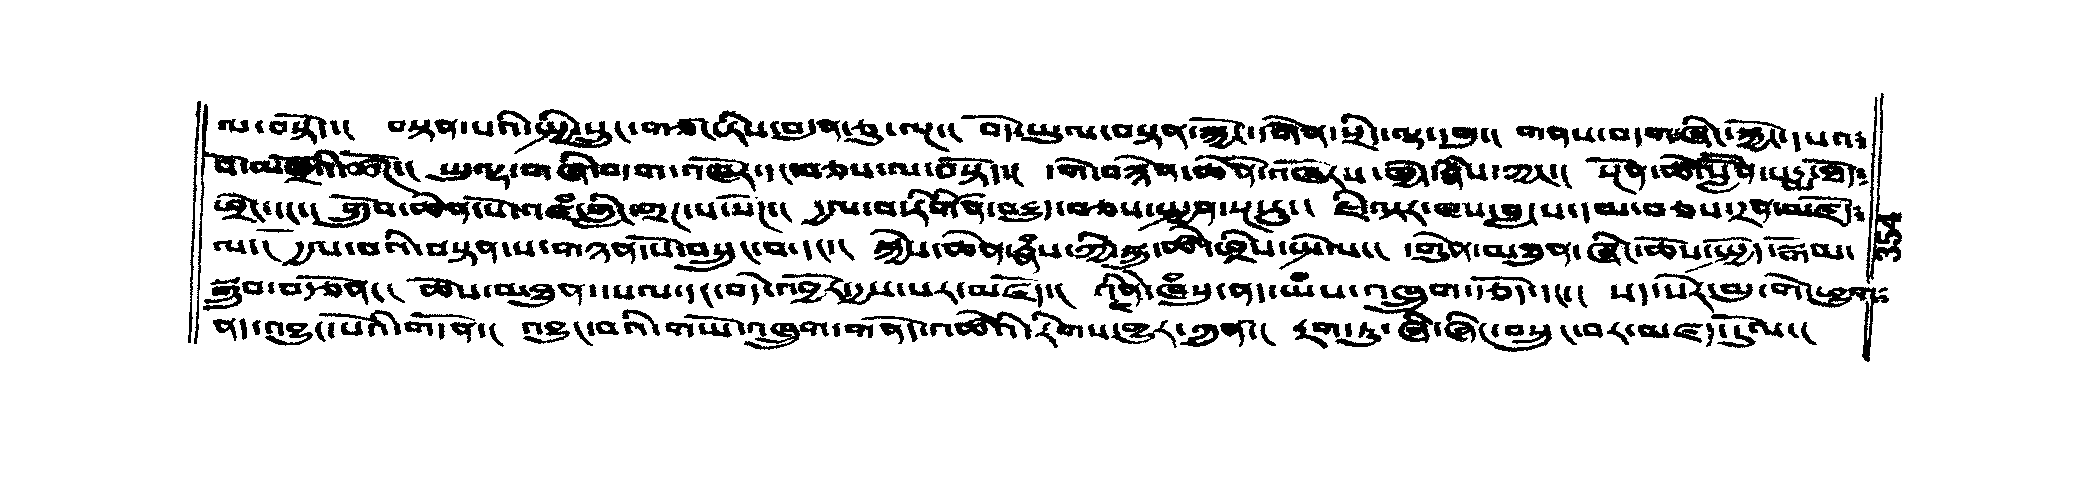། ། བསྟན་པའི་སྤྱི་སྲུང་གཙང་རིས་བདུན་ཅུ་ལྔ་། ། བོད་ཡུལ་བསྟན་སྐྱོང་དགོན་པོ་སྲིད་ལྷ་དགུ་།གནས་བདག་ཞིང་སྐྱོང་དཔའ་
བོ་མཁའ་འགྲོའི་ཚོགས། །ཡུལ་ལྷ་གཞི་བདག་འཁོར་དང་བཅས་ལ་བསྟོད། །དགེ་བསྙེན་ཆེན་པོ་འཁོར་བཅས་ཁྱོད་རྣམས་ཀྱང་། །སྔོན་ཚེ་སློབ་དཔོན་པདྨ་ཐོད་
ཕྲེང་དང་། །གྲུབ་ཐོབ་ཆེན་པོ་འཛམ་གླིང་གྲགས་པ་སོགས། །རྒྱལ་བ་རིག་འཛིན་བརྒྱུད་བཅས་སྤྱན་སྔ་རུ། །ཇི་ལྟར་ཁས་བླངས་དམ་བཅས་དྲན་མཛོད་
ལ། །རྒྱལ་བའི་བསྟན་པ་གཉན་པོ་བསྲུང་བ་དང་། །སྐྱེས་ཆེན་རྣམས་ཀྱི་སྐུ་ཚེ་ཕྲིན་ལས་སྤེལ། །དགེ་འདུན་མཐུན་ཞིང་ཆོས་སྤྱོད་སྒོམ་
སྒྲུབ་བརྩོན། །ཆོས་མཐུན་དཔལ་དང་བདེ་འབྱོར་རྒྱས་པར་མཛོད། །འཇིག་རྟེན་ཁམས་སུ་ནད་ཡམས་འཁྲུག་རྩོད་དང་། །སད་སེར་མུ་གེ་ཕྱུག་
ནད་འབྱུང་པོའི་གདོན། །འབྱུང་བའི་གཡོ་འཁྲུག་གནོད་འཚེའི་རིགས་གྱུར་ཀུན། །རྟག་ཏུ་ཞི་ཞིང་བསྲུང་བར་མཛད་དུ་གསོལ། །